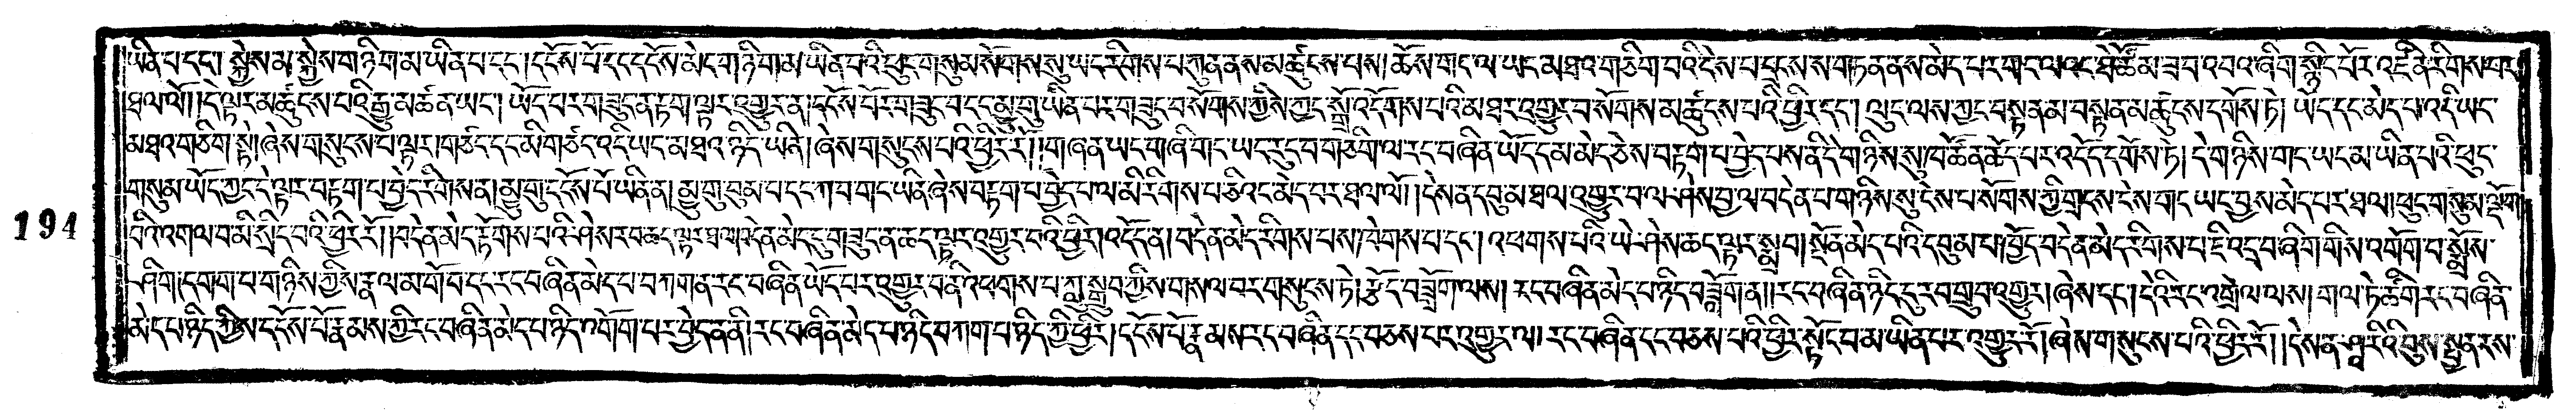ཡིན་པ་དང་། སྐྱེས་མ་སྐྱེས་གཉི་ག་མ་ཡིན་པ་དང་། དངོས་པོ་དང་དངོས་མེད་གཉི་ག་མ་ཡིན་པའི་ཕུང་གསུམ་སོགས་སུ་ཡང་རིགས་པ་ཀུན་ནས་མཚུངས་པས། ཆོས་གང་ལ་ཡང་མཐའ་གཅིག་བའི་ངེས་པ་དྲངས་ས་གཏན་ནས་མེད་པར་གང་ལའང་ཐེ་ཚོམ་ཟབ་འབའ་ཞིག་སྙིང་པོར་འཛིན་རིགས་པར་
ཐལ་ལོ། །དེ་ལྟར་མཚུངས་པའི་རྒྱུ་མཚན་ཡང་། ཡོད་པར་གཟུང་ན་རྟག་ལྟར་འགྱུར་ན། དངོས་པོར་གཟུང་བ་དང་མྱུ་གུ་ཡིན་པར་གཟུང་བ་སོགས་ཀྱིས་ཀྱང་སྒྲོ་འདོགས་པའི་མཐར་འགྱུར་བ་སོགས་མཚུངས་པའི་ཕྱིར་དང་། ལུང་ལས་ཀྱང་བསྟན་མ་བསྟན་མཚུངས་དགོས་ཏེ། ཡོད་དང་མེད་པ་འདི་ཡང་
མཐའ་གཅིག་སྟེ། ཞེས་གསུངས་བ་ལྟར། གཙང་དང་མི་གཙང་འདི་ཡང་མཐའ་ཉིད་ཡིན། ཞེས་གསུངས་པའི་ཕྱིར་རོ། །གཞན་ཡང་གཞི་གང་ཡང་རུང་བ་གཅིག་ལ་རང་བཞིན་ཡོད་དམ་མེད་ཅེས་བརྟག་པ་བྱེད་པས་ནི་དེ་གཉིས་སུ་ཁོ་ཚོན་ཆོད་པར་འདོད་དགོས་ཏེ། དེ་གཉིས་གང་ཡང་མ་ཡིན་པའི་ཕུང་
གསུམ་ཡོད་ཀྱང་དེ་ལྟར་བརྟག་པ་བྱེད་རིགས་ན། མྱུ་གུ་དངོས་པོ་ཡིན་ན། མྱུ་གུ་བུམ་པ་དང་ཀ་བ་གང་ཡིན་ཞེས་བརྟག་པ་བྱེད་པ་ལ་མི་རིགས་པ་ཅིའང་མེད་པར་ཐལ་ལོ། །དེས་ན་དབུ་མ་ཐལ་འགྱུར་བ་ལ་ཤེས་བྱ་ལ་བདེན་པ་གཉིས་སུ་ངེས་པ་སོགས་ཀྱི་གྲངས་ངེས་གང་ཡང་བྱས་མེད་པར་ཐལ། ཕུང་གསུམ་ལྡོག་
པའི་འགལ་བ་མི་སྲིད་པའི་ཕྱིར་རོ། །བདེན་མེད་རྟོགས་པའི་ཤེས་རབ་ཆད་ལྟར་ཐལ། བདེན་མེད་དུ་གཟུང་ན་ཆད་ལྟར་འགྱུར་བའི་ཕྱིར། འདོད་ན། བདེན་མེད་རིགས་པས་ཁེགས་པ་དང་། འཕགས་པའི་ཡེ་ཤེས་ཆད་ལྟར་སྨྲ་བ། སྔོན་མེད་པའི་དབུ་མ་པ་ཁྱོད་བདེན་མེད་རིགས་པ་ཇི་འདྲ་བ་ཞིག་གིས་འགོག་པ་སྨྲོས་
ཤིག༑ དགག་པ་གཉིས་ཀྱིས་རྣལ་མ་གོ་བ་དང་རང་བཞིན་མེད་པ་བཀག་ན་རང་བཞིན་ཡོད་པར་འགྱུར་བ་ནི་འཕགས་པ་ཀླུ་སྒྲུབ་ཀྱིས་གསལ་བར་གསུངས་ཏེ། རྩོད་བཟློག་ལས། རང་བཞིན་མེད་པ་ཉིད་བཟློག་ན། །རང་བཞིན་ཉིད་དུ་རབ་གྲུབ་འགྱུར། ཞེས་དང་། དེའི་རང་འགྲོ་ལས། གལ་ཏེ་ཚིག་རང་བཞིན་
མེད་པ་ཉིད་ཀྱིས་དངོས་པོ་རྣམས་ཀྱི་རང་བཞིན་མེད་པ་ཉིད་འགོག་པར་བྱེད་ན་ནི། རང་བཞིན་མེད་པ་ཉིད་བཀག་པ་ཉིད་ཀྱི་ཕྱིར། དངོས་པོ་རྣམས་རང་བཞིན་དང་བཅས་པར་འགྱུར་ལ། རང་བཞིན་དང་བཅས་པའི་ཕྱིར་སྟོང་པ་མ་ཡིན་པར་འགྱུར་རོ། ཞེས་གསུངས་པའི་ཕྱིར་རོ། །དེས་ན་ཤཱ་རིའི་བུས་སྤྱན་རས་